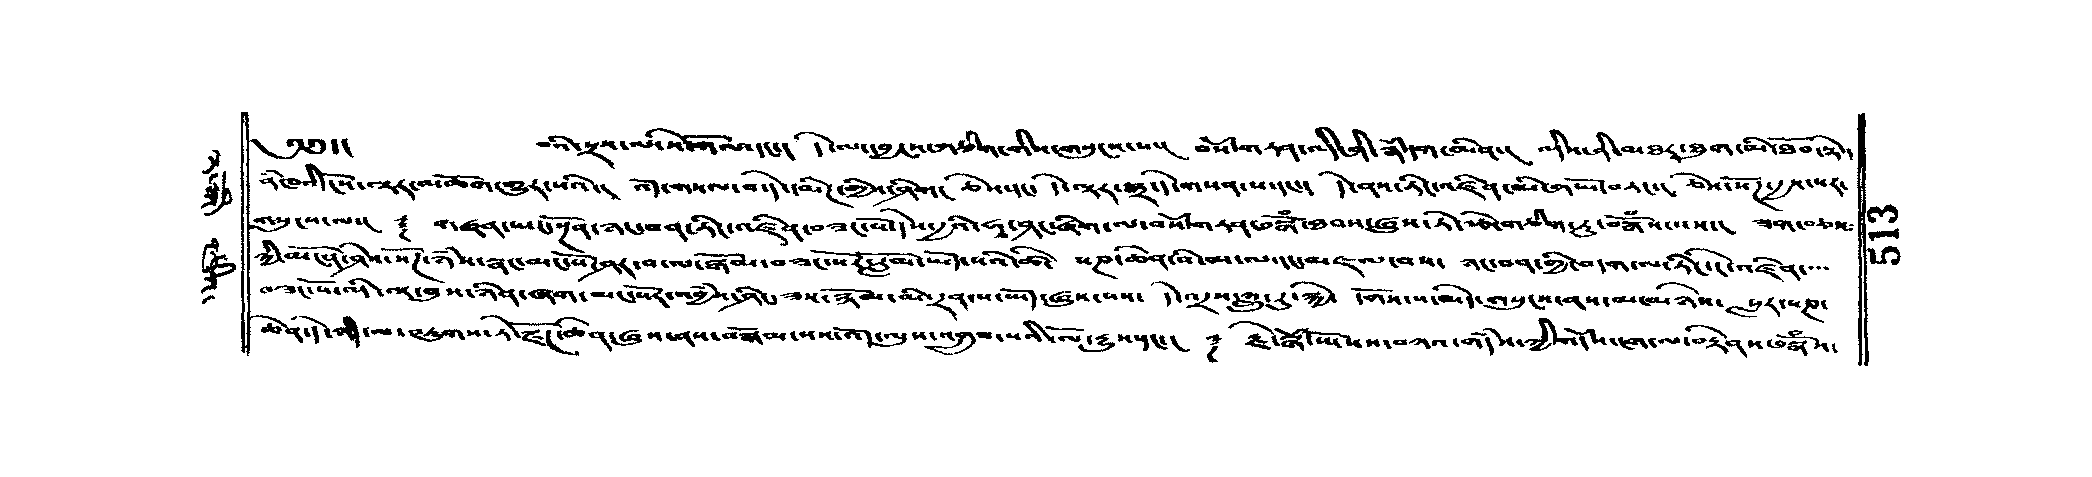བའི་སྲས་ལ་སེ་གོལ་དང་། །དེ་ལ་དབྱངས་གཅིག་གིས་གསུངས་པ། །བསམ་གཏན་འདི་ནི་རྣམ་དག་མིན། །འདིས་ནི་མཐར་ཐུག་མི་ཐོབ་སྟེ། །
ནམ་མཁའི་ངོས་ལྟར་མཆོག་གྱུར་པའི། །འོད་གསལ་བ་དེ་དམིགས་ཀྱིས་ཤིག ཅེས་དང་། དེ་ལྟར་སྒྲ་དེ་གསན་པ་དང་། །དེ་ནས་ཏིང་འཛིན་མི་གཡོ་བཏང་། ཅེས་སོགས་རྒྱས་པར་
གསུངས་ལ། གཞན་ཡང་སྔོན་ཉང་བན་ཏིང་ངེ་འཛིན་བཟང་པོ་དེས་རྒྱའི་ཧྭ་ཤང་ཞིག་ལ་བསམ་གཏན་བསྒོམ་ཐབས་ཞུས་ཏེ་རྩེ་གཅིག་ཏུ་བསྒོམས་པས། ཟག་བཅས་
ཀྱི་མངོན་ཤེས་སོགས་ཉམས་སྣང་མང་པོ་ཤར་བ་ལ་སྒོམ་བཟང་པོར་རློམ་ཡོད་པའི་ཚེ། པཎ་ཆེན་བི་མ་ལ་དང་མཇལ་བས། ཉང་བན་གྱི་བདག་ལ་ཏིང་ངེ་འཛིན་
བཟང་པོ་འདི་ལྟ་བུས་ཉིན་ཞག་མང་པོར་འབྱམས་ཤིང་ཟས་སྐོམ་མི་དྲན་པ་ཡོད་ཞུས་པས། དེ་འདྲས་ཀླུ་རུ་སྐྱེ། དགོས་པ་མེད་གསུངས་ནས་མ་མཉེས། སླར་པཎ་
ཆེན་དེ་ཉིད་ལ་བཏུགས་ཏེ་རྫོགས་ཆེན་ཞུས་ནས་བསྒོམ་པས་འོད་ལུས་འགྲུབ་པའི་ལོ་རྒྱུས་དང་། ༈ རྗེ་སྒམ་པོ་པས་བཀའ་གདམས་ཀྱི་གདམས་ངག་ལ་བརྟེན་ནས་བསྒོམས་